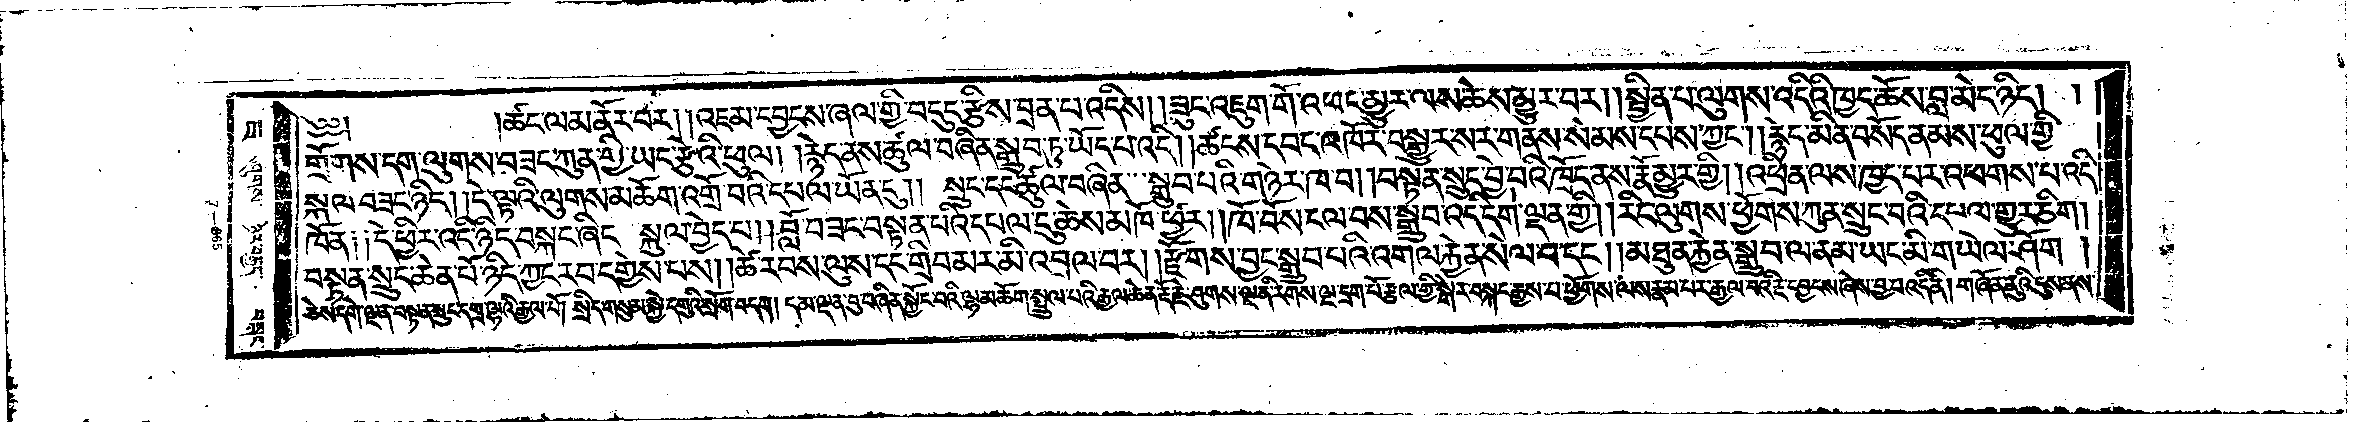༄༅། །ཚང་ལམ་ནོར་བར། །འཇམ་དབྱངས་ཞལ་གྱི་བདུད་རྩིས་བྲན་པ་འདིས། །ཟུང་འཇུག་གོ་འཕང་མྱུར་ལས་ཆེས་མྱུར་བར། །སྦྱིན་པ་ལུགས་འདིའི་ཁྱད་ཆོས་བླ་མེད་ཉིད། །
གྲོགས་དག་ལུགས་བཟང་ཀུན་གྱི་ཡང་རྩེའི་ཕུལ། རྙེད་ནས་ཚུལ་བཞིན་སྒྲུབ་ཏུ་ཡོད་པ་འདི། །ཚུངས་དཔང་འཁོར་བསྒྱུར་སར་གནས་སེམས་དཔས་ཀྱང་། །རྙེད་མིན་བསོད་ནམས་ཕུལ་གྱི་
སྐལ་བཟང་ཉིད། །དེ་ལྟའི་ལུགས་མཆོག་འགྲོ་བའི་དཔལ་ཡོན་དུ། །སྲུང་དང་ཚུལ་བཞིན་དུ་སྒྲུབ་པའི་གཉེར་ཁ་བ། །བསྟན་སྲུང་བྱེ་བའི་ཁྲོད་ནས་རྣོ་མྱུར་གྱི། །འཕྲིན་ལས་ཁྱད་པར་འཕགས་པ་འདི་
ཁོན༑ ༑དེ་ཕྱིར་འདི་ཉིད་བསྐང་ཞིང་སྐུལ་བྱེད་པ། །བློ་བཟང་བསྟན་པའི་དཔལ་དུ་ཆོས་མཁོ་ཕྱིར། །ཁོ་བོས་ངལ་བས་སྒྲུབ་པའི་དགེ་ལྡན་གྱི། །རིང་ལུགས་ཕྱོགས་ཀུན་སྲུང་བའི་དཔལ་གྱུར་ཅིག །
བསྟན་སྲུང་ཆེན་པོ་ཉིད་ཀྱང་རབ་དགྱེས་པས། །ཚེ་རབས་ལུས་དང་གྲིབ་མར་མི་འབྲལ་བར། །རྫོགས་བྱང་སྒྲུབ་པའི་འགལ་རྐྱེན་སེལ་བ་དང་། །མཐུན་རྐྱན་སྒྲུབ་ལ་ནམ་ཡང་མི་གཡེལ་ཤོག །
ཅེས་དགེ་ལྡན་བསྟན་སྲུང་དགྲ་ལྷའི་རྒྱལ་གོ་སྲིད་གསུམ་སྐྱེ་དགུའི་སྲོག་བདག ། དམ་ལྡན་བུ་བཞིན་སྐྱོང་བའི་ལྷ་མཆོག་སྤྲུལ་བའི་རྒྱལ་ཆེན་རྡོ་རྗེ་ཤུགས་ལྡན་རིགས་ལྔ་དྲག་བོ་རྩ་ལ་གྱི་སྒེར་བསྐང་རྒྱས་པ་ཕྱོགས་ལས་རྣམ་པར་རྒྱལ་བའ་རྡིང་དབྱངས་ཞེས་བྱ་བ་འདི་ནི། གཞོན་ནུའི་དུས་ནས་